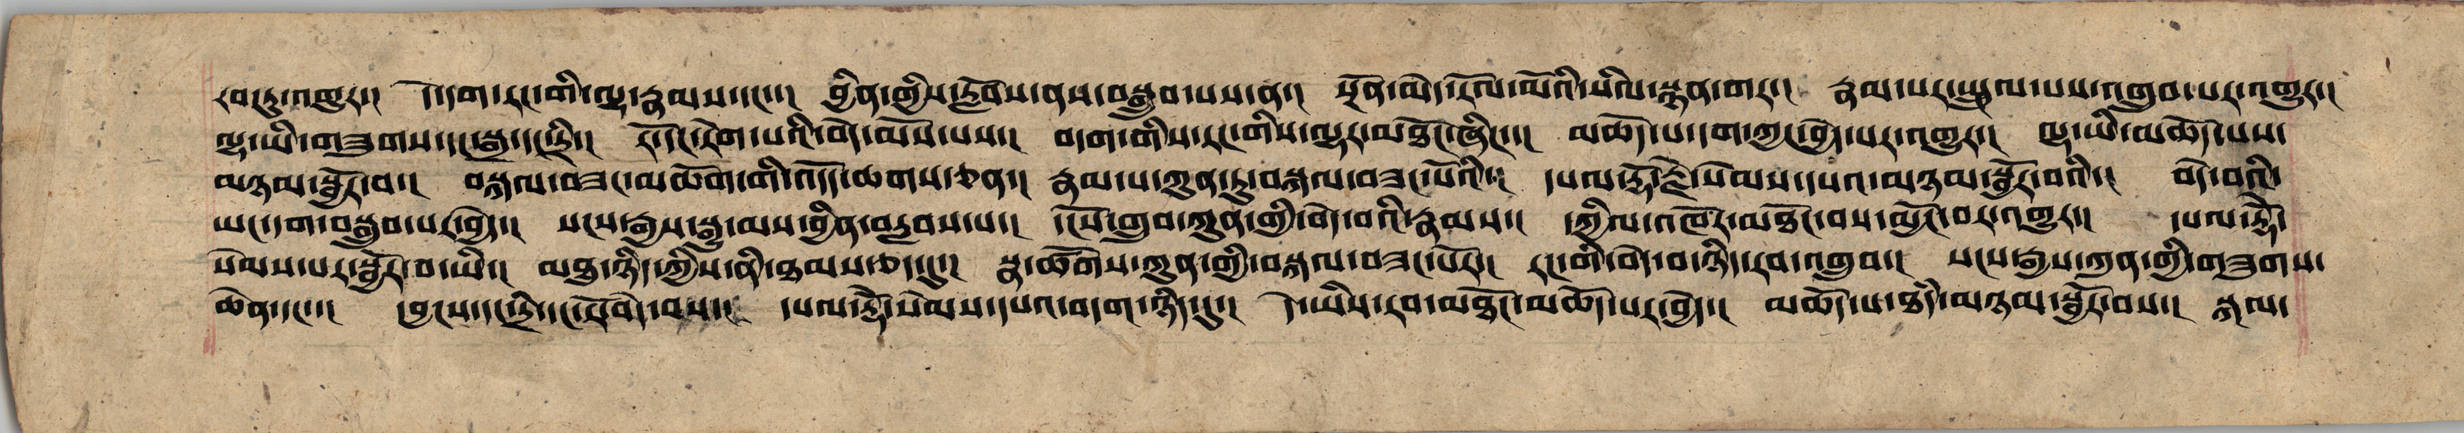རབ་ཏུ་འགྱུར་། དེ་དག་རང་གི་ལྷ་རྣམས་དང་་། བྱིན་གྱིས་རློབས་ནས་བསྒྲུབ་པས་ན་། སྔོན་མེད་རོལ་མོའི་སིལ་སྙན་གར་། རྣམ་པར་སྤྲུལ་པས་འགྲུབ་པར་འགྱུར་།
ལྷ་ཡི་གཟུགས་དང་སྒྲ་དང་དྲི་། རོ་དང་རེག་པའི་བདེ་མོས་པས་། བདག་གིས་རང་གིས་ལྷར་མཐོང་ཞིང་་། མཆོད་པ་དག་ཀྱང་བྱེད་པར་འགྱུར་། ལྷ་ཡི་མཆོད་པས་
མཉམ་སྦྱོར་བ་། བསྐལ་བཟང་མཆོག་གི་འདདོ་ཆགས་ཅན་། རྣམ་པ་ཀུན་ཏུ་བསྐལ་བཟང་པོའི་། དཔལ་རྡོ་རྗེ་སེམས་དཔའ་མཉམ་སྦྱོར་བའི་། བདེ་བའི་
ཡང་དག་བསྒྲུབ་པར་བྱེད་། སངས་རྒྱས་སྒྱུ་མས་བྱིན་བརླབས་པ་། དངོས་གྲུབ་ཀུན་གྱི་བདེ་བའི་རྣམས་། དཀྱིལ་འཁོར་མཐོང་བས་མྱོང་བར་འགྱུར་། དཔལ་རྡོེ་
སེམས་པར་སྦྱོར་བ་ཡི་། མཐུ་ཉིད་ཀྱིས་ནི་ཐམས་ཅད་དུ་། སྣ་ཚོགས་ཀུན་གྱི་བསྐལ་བཟང་པོར་། རང་གི་བདེ་བ་ཉིད་རབ་འགྲུབ་། སངས་རྒྱས་ཀུན་གྱི་གཟུགས་
ཆེན་དང་་། དབྱངས་དང་དྲི་དང་རོ་བདེ་བས་། དཔལ་རྡོེ་སེམས་དཔའ་བདག་ཉིད་དུ་། དེ་ཡིས་རབ་མཐོང་མཆོད་པར་བྱེད་། མཆོད་པ་ཐཾད་མཉམ་སྦྱོར་བས་། སྐལ་